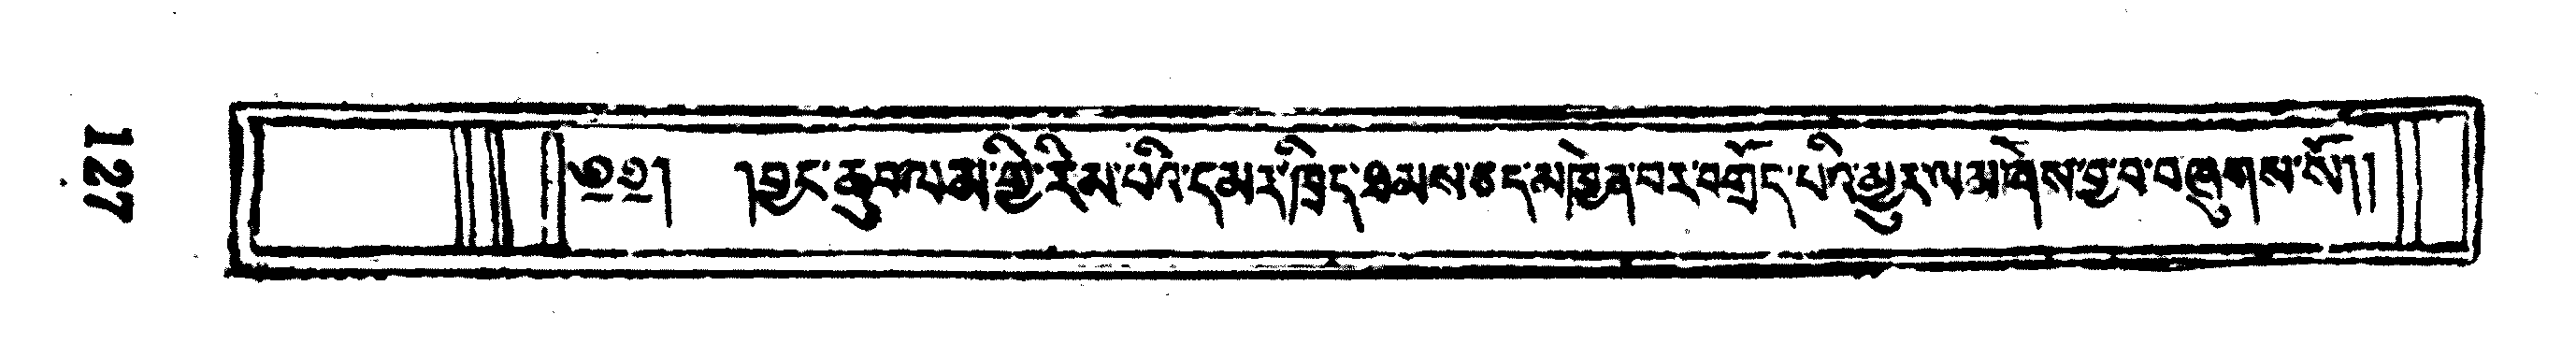༄༅། །བྱང་ཆུབ་ལམ་གྱི་རིམ་པའི་དམར་ཁྲིད་ཐམས་ཅད་མཁྱེན་པར་འགྲོད་པའི་མྱུར་ལམ་ཞེས་བྱ་བ་བཞུགས་སོ། །